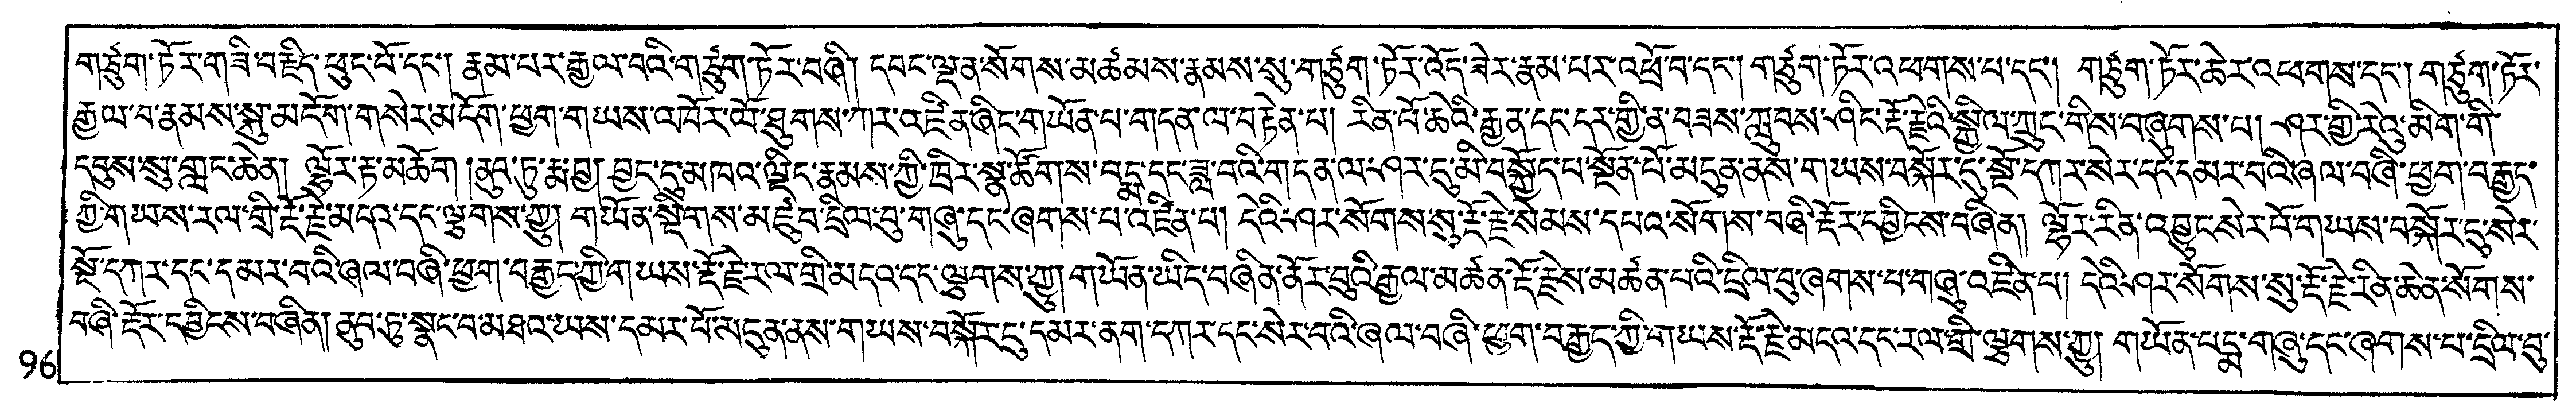གཙུག་ཏོར་གཟི་བརྗིད་ཕུང་པོ་དང་། རྣམ་པར་རྒྱལ་བའི་གཙུག་ཏོར་བཞི། དབང་ལྡན་སོགས་མཚམས་རྣམས་སུ་གཙུག་ཏོར་འོད་ཟེར་རྣམ་པར་འཕྲོ་བ་དང་། གཙུག་ཏོར་འཕགས་པ་དང་། གཙུག་ཏོར་ཆེར་འཕགས་དང་། གཙུག་ཏོར་
རྒྱལ་བ་རྣམས་སྐུ་མདོག་གསེར་མདོག་ཕྱག་གཡས་འཁོར་ལོ་ཐུགས་ཀར་འཛིན་ཞིང་གཡོན་པ་གདན་ལ་བརྟེན་པ། རིན་པོ་ཆེའི་རྒྱན་དང་དར་གྱི་ན་བཟས་ཀླུབས་ཤིང་རྡོ་རྗེའི་སྐྱིལ་ཀྲུང་གིས་བཞུགས་པ། ཤར་གྱི་རེའུ་མིག་གི་
དབུས་སུ་གླང་ཆེན། ལྷོར་རྟ་མཆོག །ནུབ་ཏུ་རྨ་བྱ། བྱང་དུ་མཁའ་ལྡིང་རྣམས་ཀྱི་ཁྲིར་སྣ་ཚོགས་པདམ་དང་ཟླ་བའི་གདན་ལ་ཤར་དུ་མི་བསྐྱོད་པ་སྔོན་པོ་མདུན་ནས་གཡས་བསྐོར་དུ་སྔོ་དཀར་སེར་དང་དམར་བའི་ཞལ་བཞི་ཕྱག་བརྒྱད་
ཀྱི་གཡས་རལ་གྲི་རྡོ་རྗེ་མདའ་དང་ལྕགས་ཀྱུ། གཡོན་སྡིགས་མཛུབ་དྲིལ་བུ་གཞུ་དང་ཞགས་པ་འཛིན་པ། དེའི་ཤར་སོགས་སུ་རྡོ་རྗེ་སེམས་དཔའ་སོགས་བཞི་རྡོར་དབྱིངས་བཞིན། ལྷོར་རིན་འབྱུང་སེར་པོ་གཡས་བསྐོར་དུ་སེར་
སྔོ་དཀར་དང་དམར་བའི་ཞལ་བཞི་ཕྱག་བརྒྱད་ཀྱི་གཡས་རྡོ་རྗེ་རལ་གྲི་མདའ་དང་ལྕགས་ཀྱུ། གཡོན་ཡིད་བཞིན་ནོར་བུའི་རྒྱལ་མཚན་རྡོ་རྗེས་མཚན་པའི་དྲིལ་བུ་ཞགས་པ་གཞུ་འཛིན་པ། དེའི་ཤར་སོགས་སུ་རྡོ་རྗེ་རིན་ཆེན་སོགས་
བཞི་རྡོར་དབྱིངས་བཞིན། ནུབ་ཏུ་སྣང་བ་མཐའ་ཡས་དམར་པོ་མདུན་ནས་གཡས་བསྐོར་དུ་དམར་ནག་དཀར་དང་སེར་བའི་ཞལ་བཞི་ཕྱག་བརྒྱད་ཀྱི་གཡས་རྡོ་རྗེ་མདའ་དང་རལ་གྲི་ལྕགས་ཀྱུ། གཡོན་པདམ་གཞུ་དང་ཞགས་པ་དྲིལ་བུ་